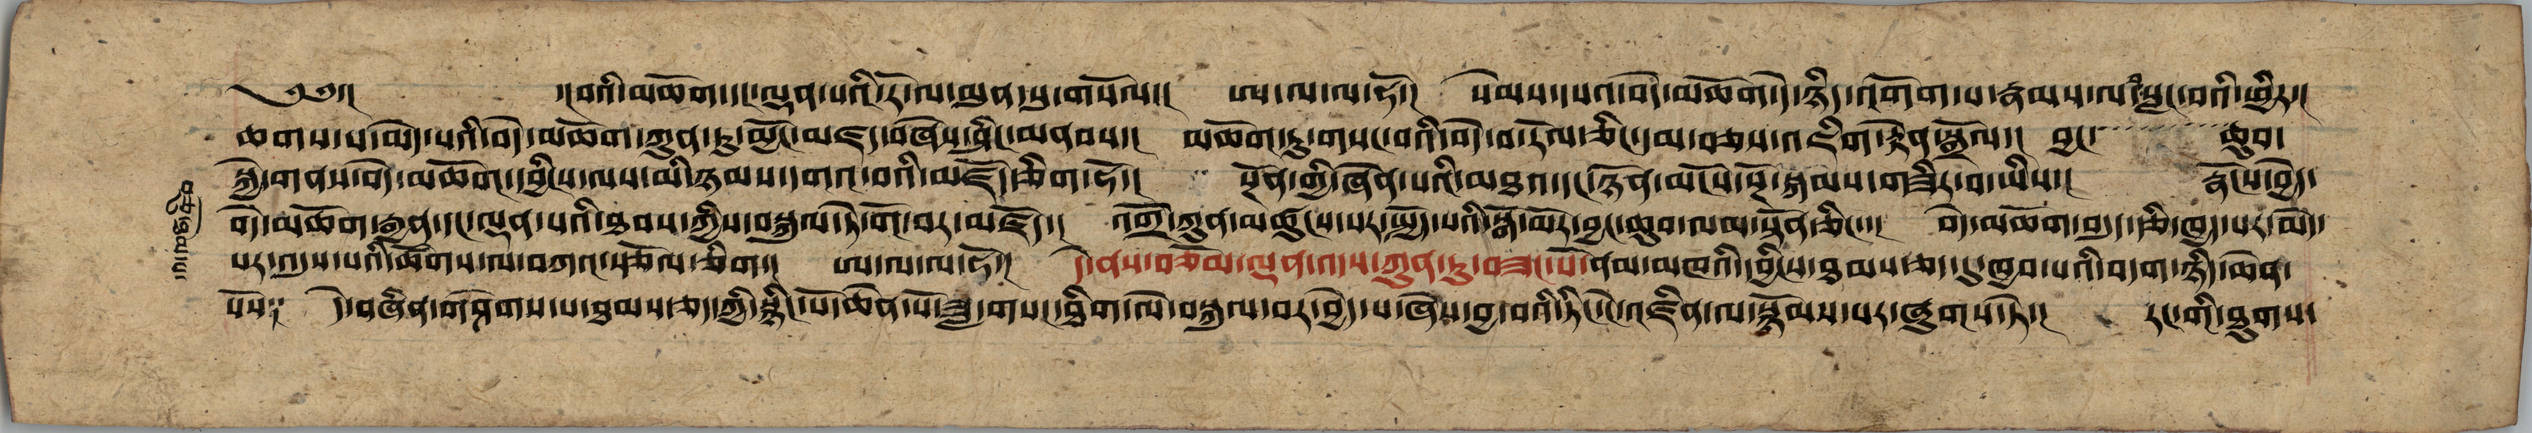༄༅་། ་།བའི་མཆོག་དང་ལྡན་པའི་རོ་ལ་མུན་སུ་གསོལ་། ཨ་ལ་ལ་ཧོ་། སེམས་དཔའ་བདེ་མཆོག་དེ་ཉིད་འགོག་པ་རྣམས་ལ་བསླང་བའི་ཕྱིར་།
ཆགས་པ་མེད་པའི་བདེ་མཆོག་ཀུན་ཏུ་མྱོང་མཛད་བཞེས་ཤིང་མནབས་། མཆོག་ཏུ་གསང་བའི་བདེ་བ་རོལ་ཅིང་དམ་བཅས་འཇིག་རྟེན་སྒྲོལ་། བྱང་ ཆུབ་
སྐྱེ་གནས་བདེ་མཆོག་དབྱིངས་ལས་མི་ཉམས་དགའ་བའི་མཛོད་ཅིག་ཧོ་། སྔོན་གྱི་ཞེན་པའི་མཐའ་དང་ཉོན་མོངས་སྔོ་སྐམས་གཟིར་བ་ཡིས་། རྣོངས་བྱེད་
བདེ་མཆོག་རྒྱན་དང་ལྡན་པའི་ཐབས་ཀྱིས་བསྐུལ་ཏེ་གོ་བར་མཛོད་། འགྲོ་ཀུན་མཚུངས་པར་སྤྱོད་པའི་སྒོ་མོར་བྱང་ཆུབ་ལམ་སྟོན་ཅིང་་། བདེ་མཆོག་བདུད་རྩི་ཁྱད་པར་མེད་
པར་འདུས་པའི་ཚོགས་ལ་བཀའ་སྩོལ་ཅིག་། ཨ་ལ་ལ་ཧོ་། དེ་ནས་བཅོམ་ལྡན་འདས་ཀུན་ཏུ་བཟང་པོ་ནམ་མཁའི་དབྱིངས་་ཐམས་ཅད་དུ་ཁྱབ་པའི་བདག་ཉིད་ཆེན་
པོས༑ དེ་བཞིན་གཤེགས་པ་ཐམས་ཅད་ཀྱི་སྙིང་པོ་ཆེན་པོ་ཟླ་གསང་ཐིག་ལེ་བསྐུལ་བར་བྱེད་པ་ཞེས་བྱ་བའི་ཏིང་ངེ་འཛིན་ལ་སྙོམས་པར་ཞུགས་ཏེ་། རང་གི་ཐུགས་